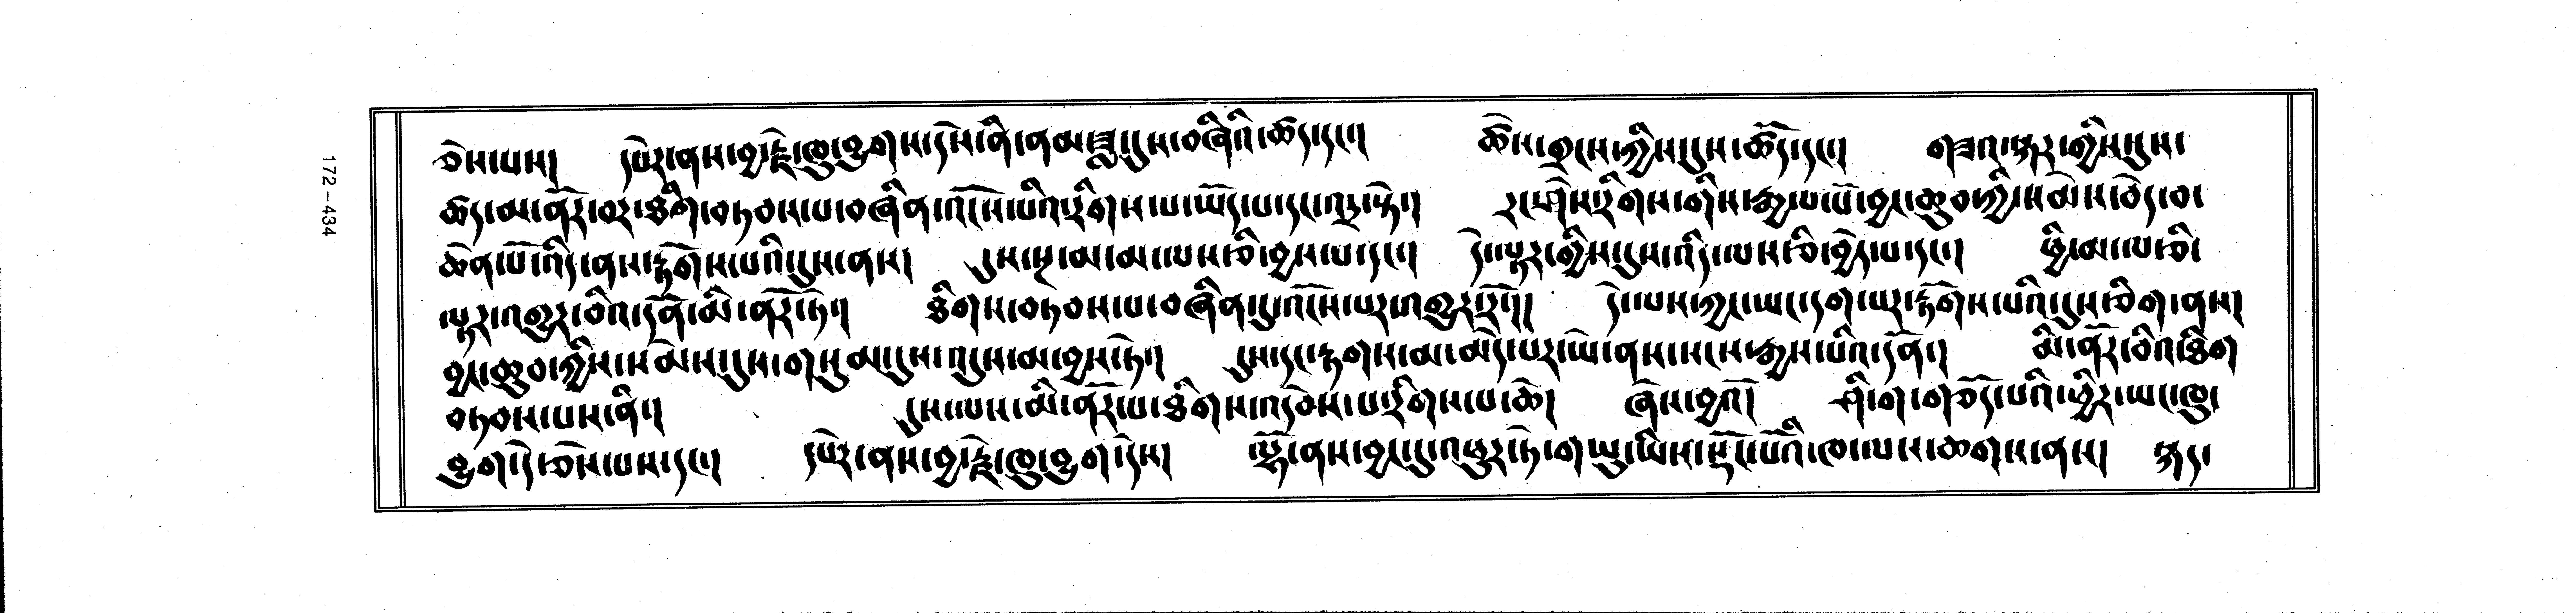ཅེས་པས། དཔེར་ན་བྱ་རྗེ་ཁུ་བྱུག་དེས་ནི་ནམ་ཟླ་དུས་བཞིའི་ཚད་དང་། ཚེས་གྲངས་ཀྱིས་དུས་ཚོད་དང་། གཟའ་སྐར་གྱིས་དུས་
ཚོད་མ་ནོར་བར་ཐིག་བཏབས་པ་བཞིན་འོངས་པའི་རིག་པ་ཡོད་པ་དང་འདྲ་སྟེ། རང་ཤེས་རིགས་གིས་རྒྱལ་པོ་བྱང་ཆུབ་ཀྱིས་སེམས་བདེ་བ་
ཆེན་པོ་འདི་ནས་རྟོགས་པའི་དུས་ནས། དུས་སྔ་མ་ལས་ཅི་བྱས་པ་དང་། དེ་ལྟར་གྱིས་དུས་འདི་ལས་ཅི་བྱེད་པ་དང་། ཕྱི་མ་ལ་ཅི་
ལྟར་འགྱུར་བའི་དོན་མི་ནོར་ཏེ། ཐིག་བཏབས་པ་བཞིན་དུ་འོངས་པར་འགྱུར་རོ། དེ་ལས་ཀྱང་ཡང་དག་པར་རྟོགས་པའི་དུས་ཅིག་ནས། 
བྱང་ཆུབ་ཀྱིས་སེམས་དུས་འདུས་མ་བྱས་ཏེ། དུས་དང་རྟགས་པ་མེད་པར་ཡེ་ནས་སངས་རྒྱས་པའི་དོན། མི་ནོར་བའི་ཐིག་
བཏབས་པས་ནི། དུས་ལས་མི་ནོར་པ་ཐིག་འདེབས་པ་རིགས་པ་ཆེ། ཞེས་བྱའོ། ཤི་ག་གཅོད་པའི་ཕྱིར་ཡང་ཁུ་
བྱུག་དེ་ཅེས་པས་དང་། དཔེར་ནས་བྱ་རྗེ་ཁུ་བྱུག་དེས། ལྷོ་ནས་བྱང་དུ་འཕུར་ཏེ་གཡུ་ཡིས་སྡོང་པོའི་ཁ་ལས་ཆགས་ནས། སྐད་